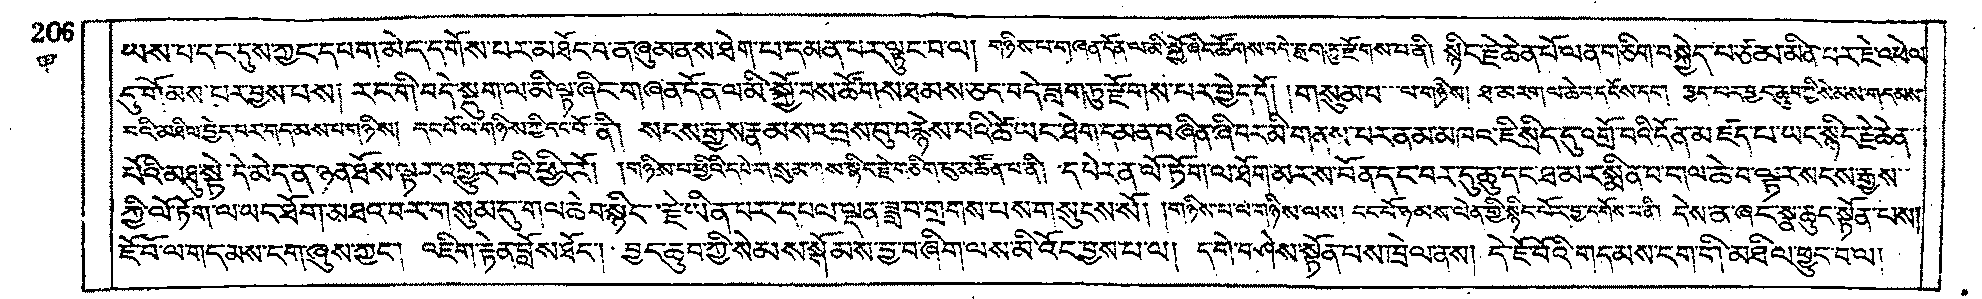ཡས་པ་དང་དུས་ཀྱང་དཔག་མེད་དགོས་པར་མཐོང་བ་ན་ཞུམ་ནས་ཐེག་པ་དམན་པར་ལྟུང་བ་ལ། གཉིས་པ་གཞན་དོན་ལ་མི་སྐྱོ་ཞིང་ཚོགས་བདེ་བླག་ཏུ་རྫོགས་པ་ནི།  སྙིང་རྗེ་ཆེན་པོ་ལན་གཅིག་བསྐྱེད་པ་ཙམ་མིན་པར་ཇེ་འཕེལ་
དུ་གོམས་པར་བྱས་པས། རང་གི་བདེ་སྡུག་ལ་མི་ལྟ་ཞིང་གཞན་དོན་ལ་མི་སྐྱོ་བས་ཚོགས་ཐམས་ཅད་བདེ་བླག་ཏུ་རྫོགས་པར་བྱེད་དོ། །གསུམ་པལ་གཉིས། ཐ་མར་གལ་ཆེ་བ་དངོས་དང་། ཁྱད་པར་བྱང་ཆུབ་ཀྱི་སེམས་གདམས་
པའི་མཐིལ་བྱེད་པར་གདམས་པ་གཉིས། དང་པོ་ལ་གཉིས་ཀྱི་དང་པོནི། སངས་རྒྱས་རྣམས་འབྲས་བུ་བརྙེས་པའི་ཚེ་ཡང་ཐེག་དམན་བཞིན་ཞི་བར་མི་གནས་པར་ནམ་མཁའ་ཇི་སྲིད་དུ་འགྲོ་བའི་དོན་མཛད་པ་ཡང་སྙིང་རྗེ་ཆེན་
པོའི་མཐུ་སྟེ་དེ་མེད་ན་ཉན་ཐོས་ལྟར་འགྱུར་བའི་ཕྱིར་རོ། །གཉིས་པ་ཕྱིའི་དཔེ་གསུམ་ཀས་སྙིང་རྗེ་གཅིག་པུ་མཚོན་པ་ནི།  དཔེར་ན་ལོ་ཏོག་ལ་ཐོག་མར་ས་བོན་དང་བར་དུ་ཆུ་དང་ཐ་མར་སྨིན་པ་གལ་ཆེ་བ་ལྟར་སངས་རྒྱས་
ཀྱི་ལོ་ཏོག་ལ་ཡང་ཐོག་མཐའ་བར་གསུམ་དུ་གལ་ཆེ་བ་སྙིང་རྗེ་ཡིན་པར་དཔལ་ལྡན་ཟླ་བ་གྲགས་པས་གསུངས་སོ། །གཉིས་པ་ལ་གཉིས་ལས། དང་པོ་ཉམས་ལེན་གྱི་སྙིང་པོར་བྱ་དགོས་པ་ནི།  དེས་ན་ཞང་སྣ་ཆུང་སྟོན་པས།
ཇོ་བོ་ལ་གདམས་ངག་ཞུས་ཀྱང་། འཇིག་རྟེན་བློས་ཐོང་། བྱང་ཆུབ་ཀྱི་སེམས་སྒོམས་བྱ་བ་ཞིག་ལས་མི་འོང་བྱས་པ་ལ། དགེ་བཤེས་སྟོན་པས་ཁྲེལ་ནས། དེ་ཇོ་བོའི་གདམས་ངག་གི་མཐིལ་ཕྱུང་བ་ལ།